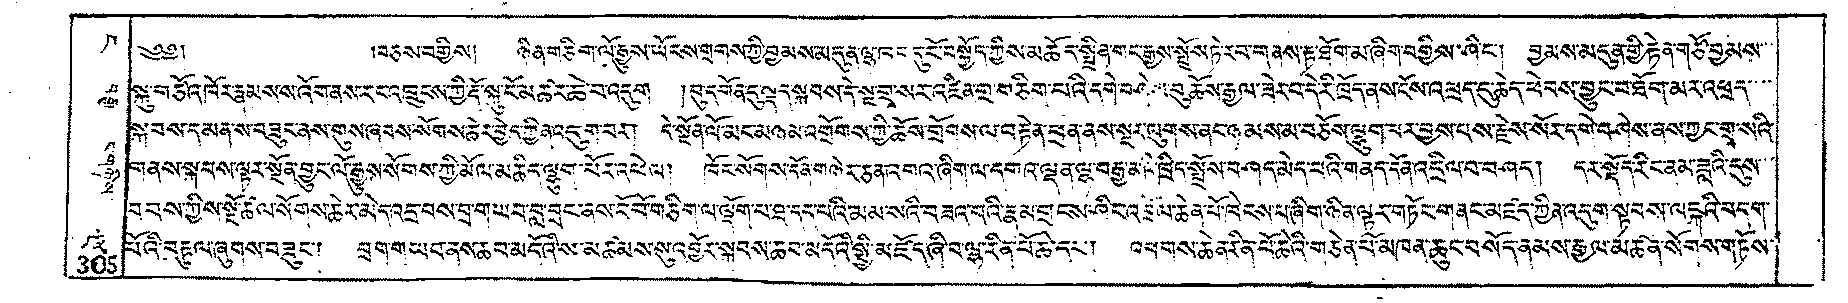༄༅། །བཅས་བགྱིས། ཉིན་གཅིག་ལོ་རྒྱུས་ཡོངས་གྲགས་ཀྱི་བྱམས་མདུན་ལྷ་ཁང་དུ་ངོ་བསྐྱོད་ཀྱིས་མཆོད་སྤྲིན་གང་རྒྱས་སྤྲོས་ཏེ་རབ་གནས་རྟ་ཐོག་མ་ཞིག་བགྱིས་ཤིང་། བྱམས་མདུན་གྱི་རྟེན་གཙོ་བྱམས་
སྐུ་གཙོ་འཁོར་རྣམས་ས་འོག་ནས་རང་འཁྲུངས་ཀྱི་རྡོ་སྐུ་ངོ་མཚར་ཆེ་བ་འདུག །བུ་དགོན་དུ་སྡད་སྐབས་དེ་སྔ་གྲྭ་སར་འཛིན་གྲ་གཅིག་པའི་དགེ་བཤེས་བུ་ཆོས་རྒྱལ་ཟེར་བ་དེ་རི་ཁྲོད་ནས་ངོས་འཕྲད་དུ་ཆེད་ཕེབས་བྱུང་བ་ཐོག་མར་འཕྲད་
སྐབས་དམན་ས་བཟུང་ནས་གུས་ཞབས་སོགས་ཆེར་བྱེད་ཀྱིན་འདུག་པར། དེ་སྔོན་ལོ་མང་མཉམ་འགྲོགས་ཀྱི་ཆོས་གྲོགས་ལ་བརྟེན་ཕྲན་ནས་སྔར་ལུགས་ནང་ཉམས་མ་བཅོས་ལྷུག་པར་བྱས་པས་རྗེས་སོར་དགེ་བཤེས་ནས་ཀྱང་གྲྭ་སའི་
གནས་སྐབས་ལྟར་སྔོན་བྱུང་ལོ་རྒྱུས་སོགས་ཀྱི་མོལ་མཆིད་ལྷུག་པོར་འཕེལ། ཁོང་སོགས་དོན་གཉེར་ཅན་འགའ་ཞིག་ལ་དགའ་ལྡན་ལྷ་བརྒྱ་མའི་ཁྲིད་སྤྲོས་བཤད་མེད་པའི་གནད་དོན་འདྲིལ་བ་བཤད། དར་སྡོད་རིང་ནམ་ཟླའི་དུས་
བབས་ཀྱིས་སྔོ་ཚལ་སོགས་ཆེར་མེད་འདྲ་བས་བྲ་གཡབ་བླ་བྲང་ནས་ངོ་བོ་གཅིག་ལ་ལྡོག་པ་ཐ་དད་པའི་མམ་སའི་བཟའ་བའི་རྣམ་གྲངས་ཤིང་འབྲོལ་ཆེན་པོ་ཁེངས་པ་ཞིག་ཉིན་ལྟར་གཏོང་གནང་མཛད་ཀྱིན་འདུག་སྟབས་ལངྐའི་བདག་
པོའི་བརྟུལ་ཞུགས་བཟུང་། བྲག་གཡབ་ནས་ཆབ་མདོའི་ས་མཚམས་སུ་འབྱོར་སྐབས་ཆབ་མདོའི་སྤྱི་མཛོད་ཞི་བ་ལྷ་རིན་པོ་ཆེ་དང་། འཕགས་ཆེན་རིན་པོ་ཆེའི་གཅེན་པོ་མཁན་ཆུང་བསོད་ནམས་རྒྱལ་མཚན་སོགས་གཏོས་